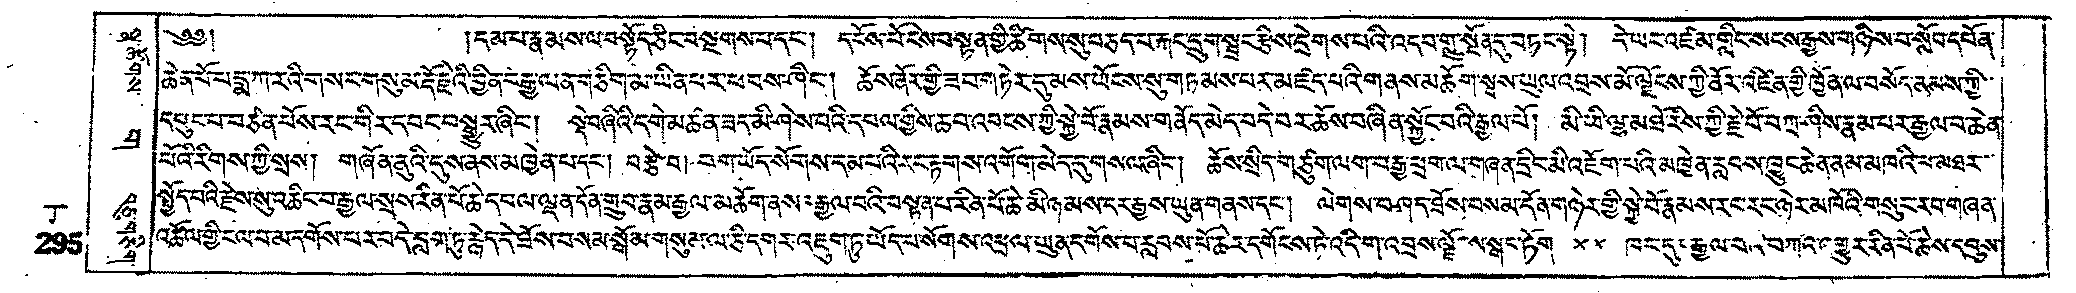༄༅། །དམ་པ་རྣམས་ལ་བསྟོད་ཅིང་བསྔགས་པ་དང་། དངོས་པོ་ངེས་བསྟན་གྱི་ཚིགས་སུ་བཅད་པ་རྐང་དྲུག་སྦྲང་རྩིས་དྲེགས་པའི་འདབ་གླུ་སྔོན་དུ་བཏང་སྟེ། དེ་ཡང་འཛམ་གླིང་སངས་རྒྱས་གཉིས་པ་སློབ་དཔོན་
ཆེན་པོ་པདམ་ཀ་རའི་གསང་གསུམ་རྡོ་རྗེའི་བྱིན་བརྒྱ་ལན་གཅིག་མ་ཡིན་པར་ཕབས་ཤིང་། ཆོས་ནོར་གྱི་ཟབ་གཏེར་དུ་མས་ཡོངས་སུ་གཏམས་པར་མཛད་པའི་གནས་མཆོག་སྦས་ཡུལ་འབྲས་མོ་ལྗོངས་ཀྱི་ནོར་འཛིན་གྱི་ཁྱོན་ལ་བསོད་ནམས་ཀྱི་་་
དཔུང་པ་བཙན་པོས་རང་གིར་དབང་བསྒྱུར་ཞིང་། སྡེ་བཞིའི་དགེ་མཚན་ཟད་མི་ཤེས་པའི་དཔལ་གྱིས་ཆབ་འབངས་ཀྱི་སྐྱེ་བོ་རྣམས་གནོད་མེད་བདེ་བར་ཆོས་བཞིན་སྐྱོང་བའི་རྒྱལ་པོ། མི་ཡི་ལྷ་མཐོ་རིས་ཀྱི་རྗེ་བོ་བཀྲ་ཤིས་རྣམ་པར་རྒྱལ་བ་ཆེན་
པོའི་རིགས་ཀྱི་སྲས། གཞོན་ནུའི་དུས་ནས་མཁྱེན་པ་དང་། བརྩེ་བ། བག་ཡོད་སོགས་དམ་པའི་རང་རྟགས་འགོག་མེད་དུ་གསལ་ཞིང་། ཆོས་སྲིད་གཙུག་ལག་བརྒྱ་ཕྲག་ལ་གཞན་དྲིང་མི་འཇོག་པའི་མཁྱེན་རླབས་ཁྱུང་ཆེན་ནམ་མཁའི་ཕ་མཐར་་་
སྤྱོད་པའི་རྗེས་སུ་འཆིང་བ་རྒྱལ་སྲས་རིན་པོ་ཆེ་དཔལ་ལྡན་དོན་གྲུབ་རྣམ་རྒྱལ་མཆོག་ནས ༧རྒྱལ་བའི་བསྟན་པ་རིན་པོ་ཆེ་མི་ཉམས་ངར་རྒྱས་ཡུན་གནས་དང་། ལེགས་བཤད་ཐོས་བསམ་དོན་གཉེར་གྱི་སྐྱེ་བོ་རྣམས་རང་རང་ཉེར་མཁོའི་གསུང་རབ་གཞན་
འཚོལ་གྱི་ངལ་བ་མ་དགོས་པར་བདེ་བླག་ཏུ་རྙེད་དེ་ཐོས་བསམ་སྒོམ་གསུམ་ལ་ཅི་དགར་འཇུག་ཏུ་ཡོད་པ་སོགས་འཕྲལ་ཡུན་དགོས་པ་རླབས་པོ་ཆེར་དགོངས་ཏེ་འདི་ག་འབྲས་ལྗོངས་སྒང་ཏོག་྾་྾་ཁང་དུ ༧་རྒྱལ་བའི་བཀའ་འགྱུར་རིན་པོ་ཆེས་དབུས་